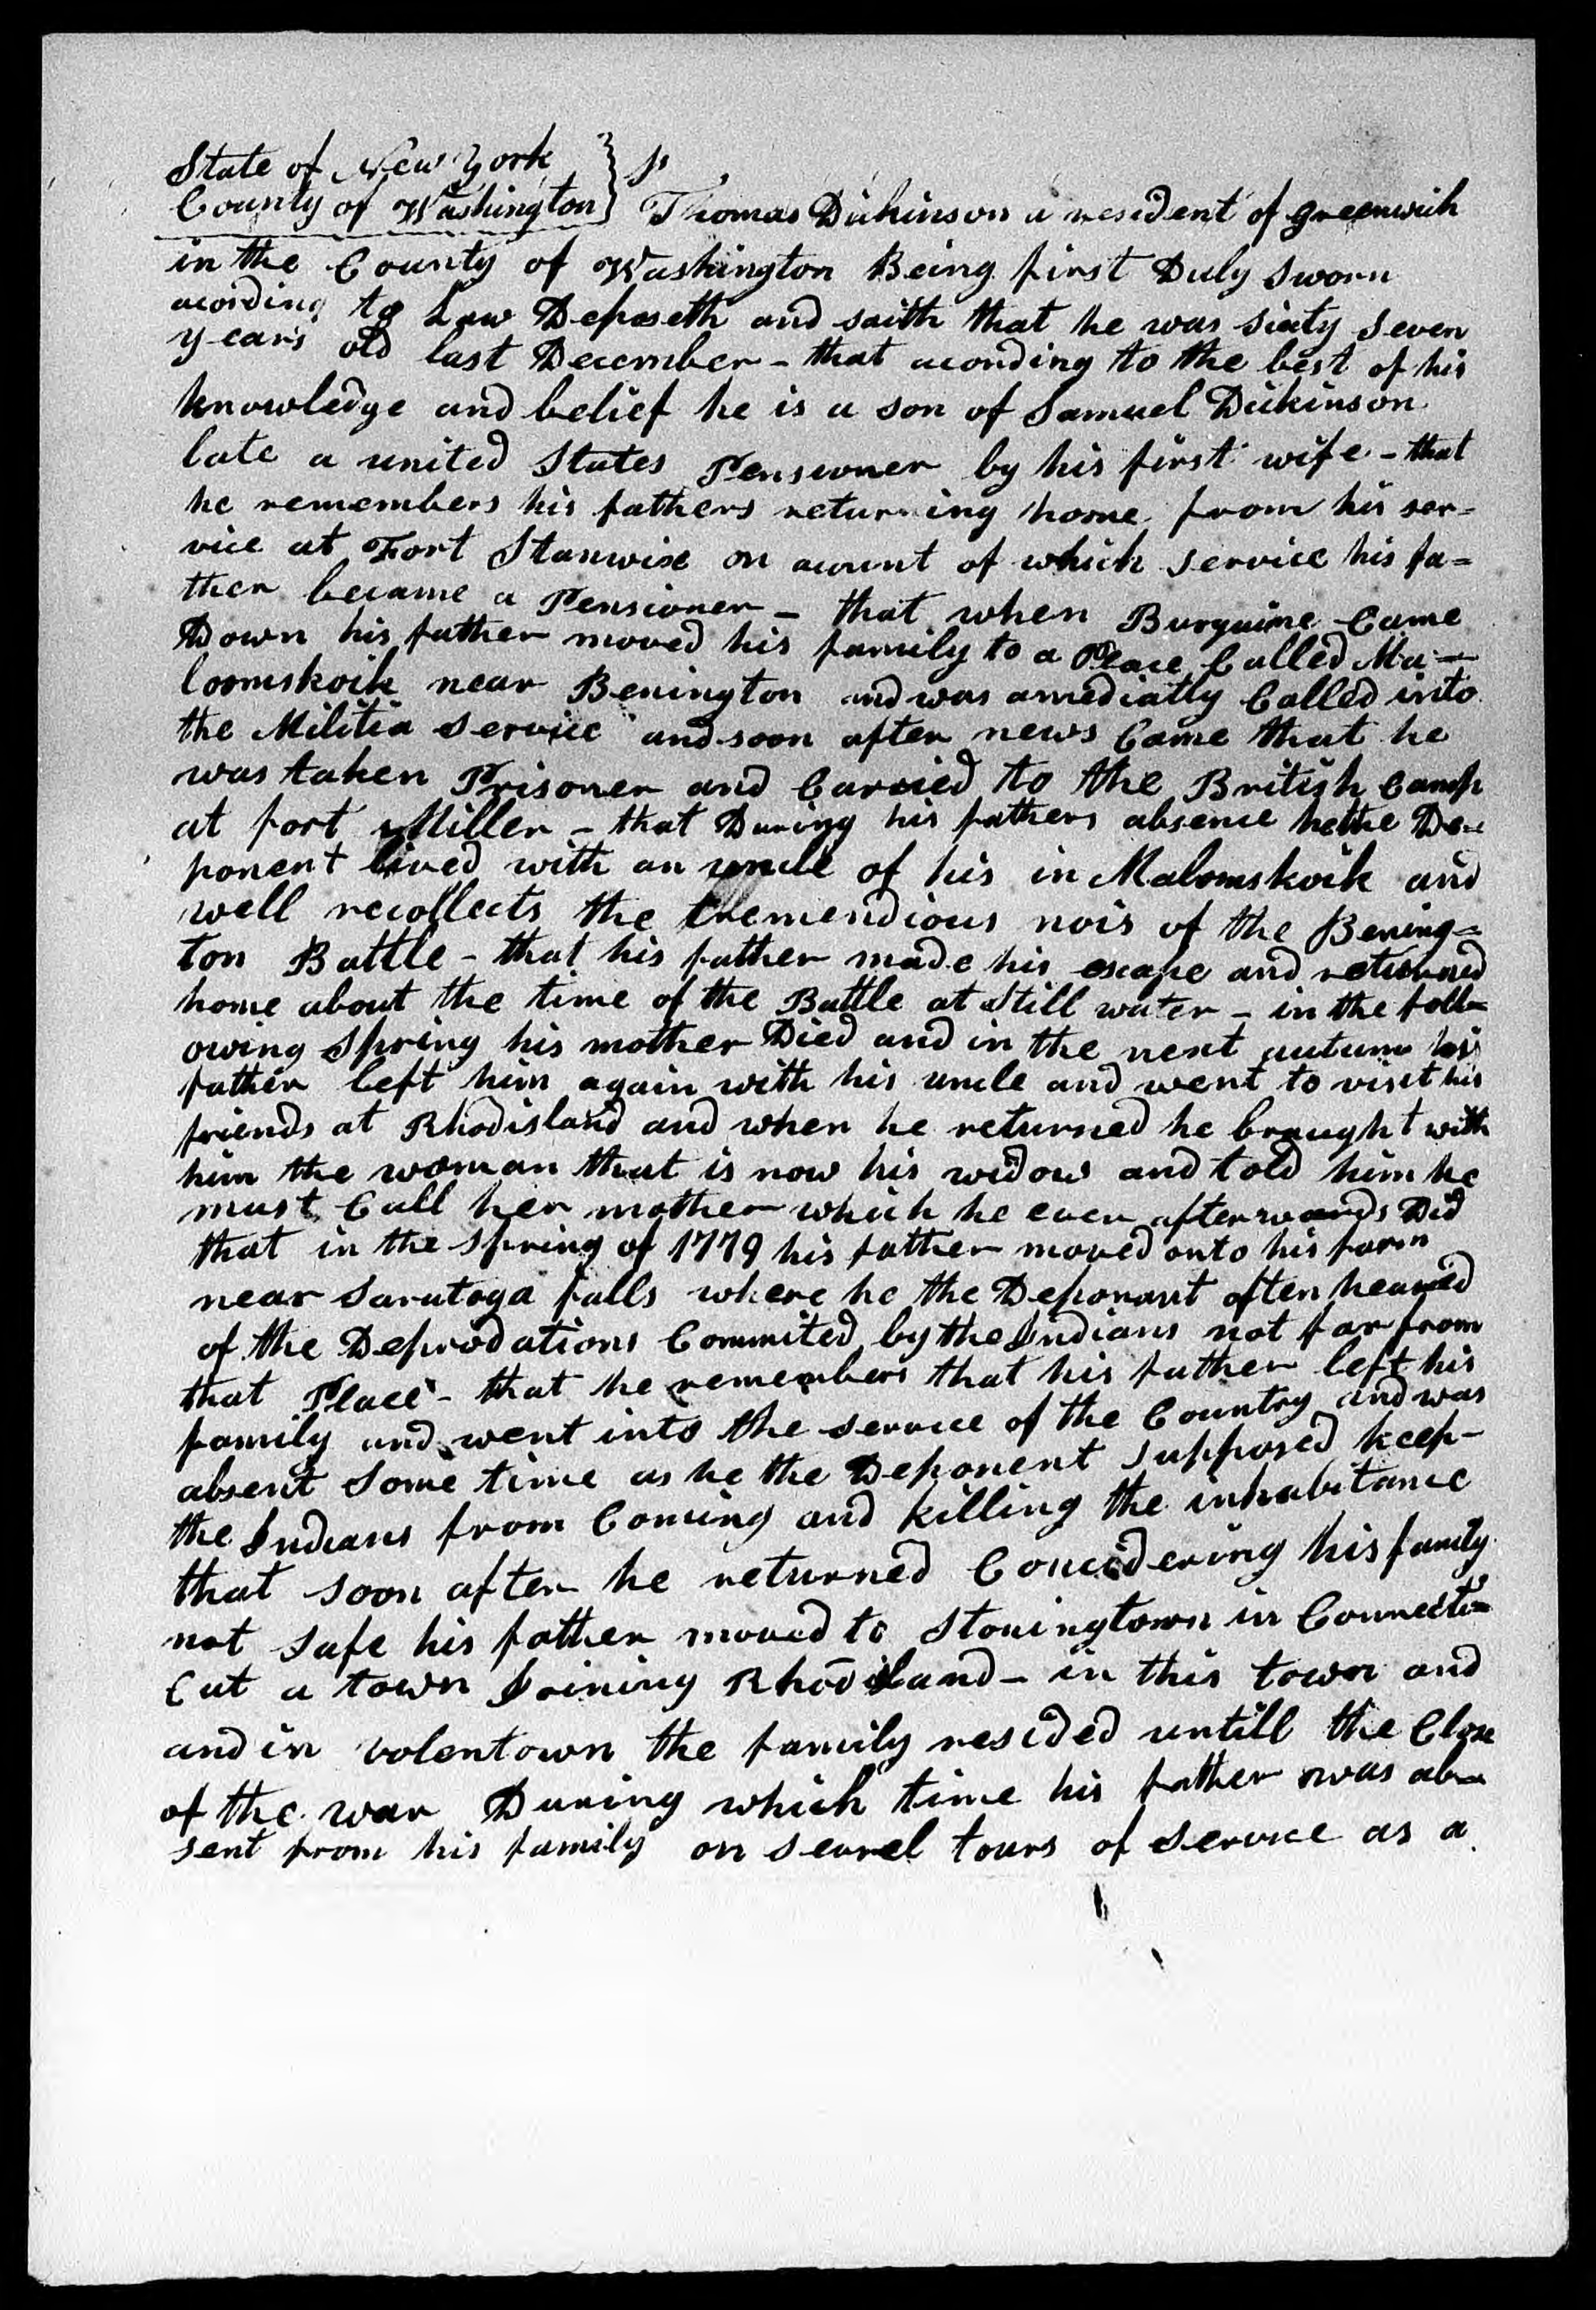State of New York
County of Washington

Thomas Dickinson a resident of Greenwich in the County of Washington Being first Duly Sworn according to Law Deposeth and saith that he was sixty seven years old last December that according to the best of his knowledge and belief he is a son of Samuel Dickinson late a United States Pensioner by his first wife - that he remembers his fathers returning home from his service at Fort Stanwise on account of which service his father became a Pensioner - that when Burgaine came down his father moved his family to a Place called Mcloomskoik near Berington and was []iatly called into the Militia service and soon after news came that he was taken Prisoner and carried to the British camps at Fort Miller - that During his fathers absence [] Deponent lived with an uncle of his in Maloomskoik and well recollects the []dious [] of the Benington Battle - that his father made his escape and returned home about the time of the Battle at Stillwater - in the following Spring his mother Died and in the next autumn his father left him again with his uncle and went to visit his friends at R[]land and when he returned he brought with him the woman that is now his widow and told him he must call her mother which he ever after would [] that in the Spring of 17778 his father moved onto his farm near Saratoga Falls where he the Dep[] after [] of the Dep[] Commited by the Indians not far from that Place - that he remembers that his father left his family and went into the service of the Country and was absent some time as he the Dep[] supposed keep the Indians from coming and killing the inhabitants that soon after he returned considering his family not safe his father moved to Stonington in Connecticut a town []ining Rhode Island - in this town and and in []town the family resided until the close of the war During which time his father was also sent from his family on several tours of service as a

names: Samuel Dickinson, Thomas Dickinson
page: 15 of 60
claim: widow's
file: W 16,955, Samuel Dickinson, Conn.